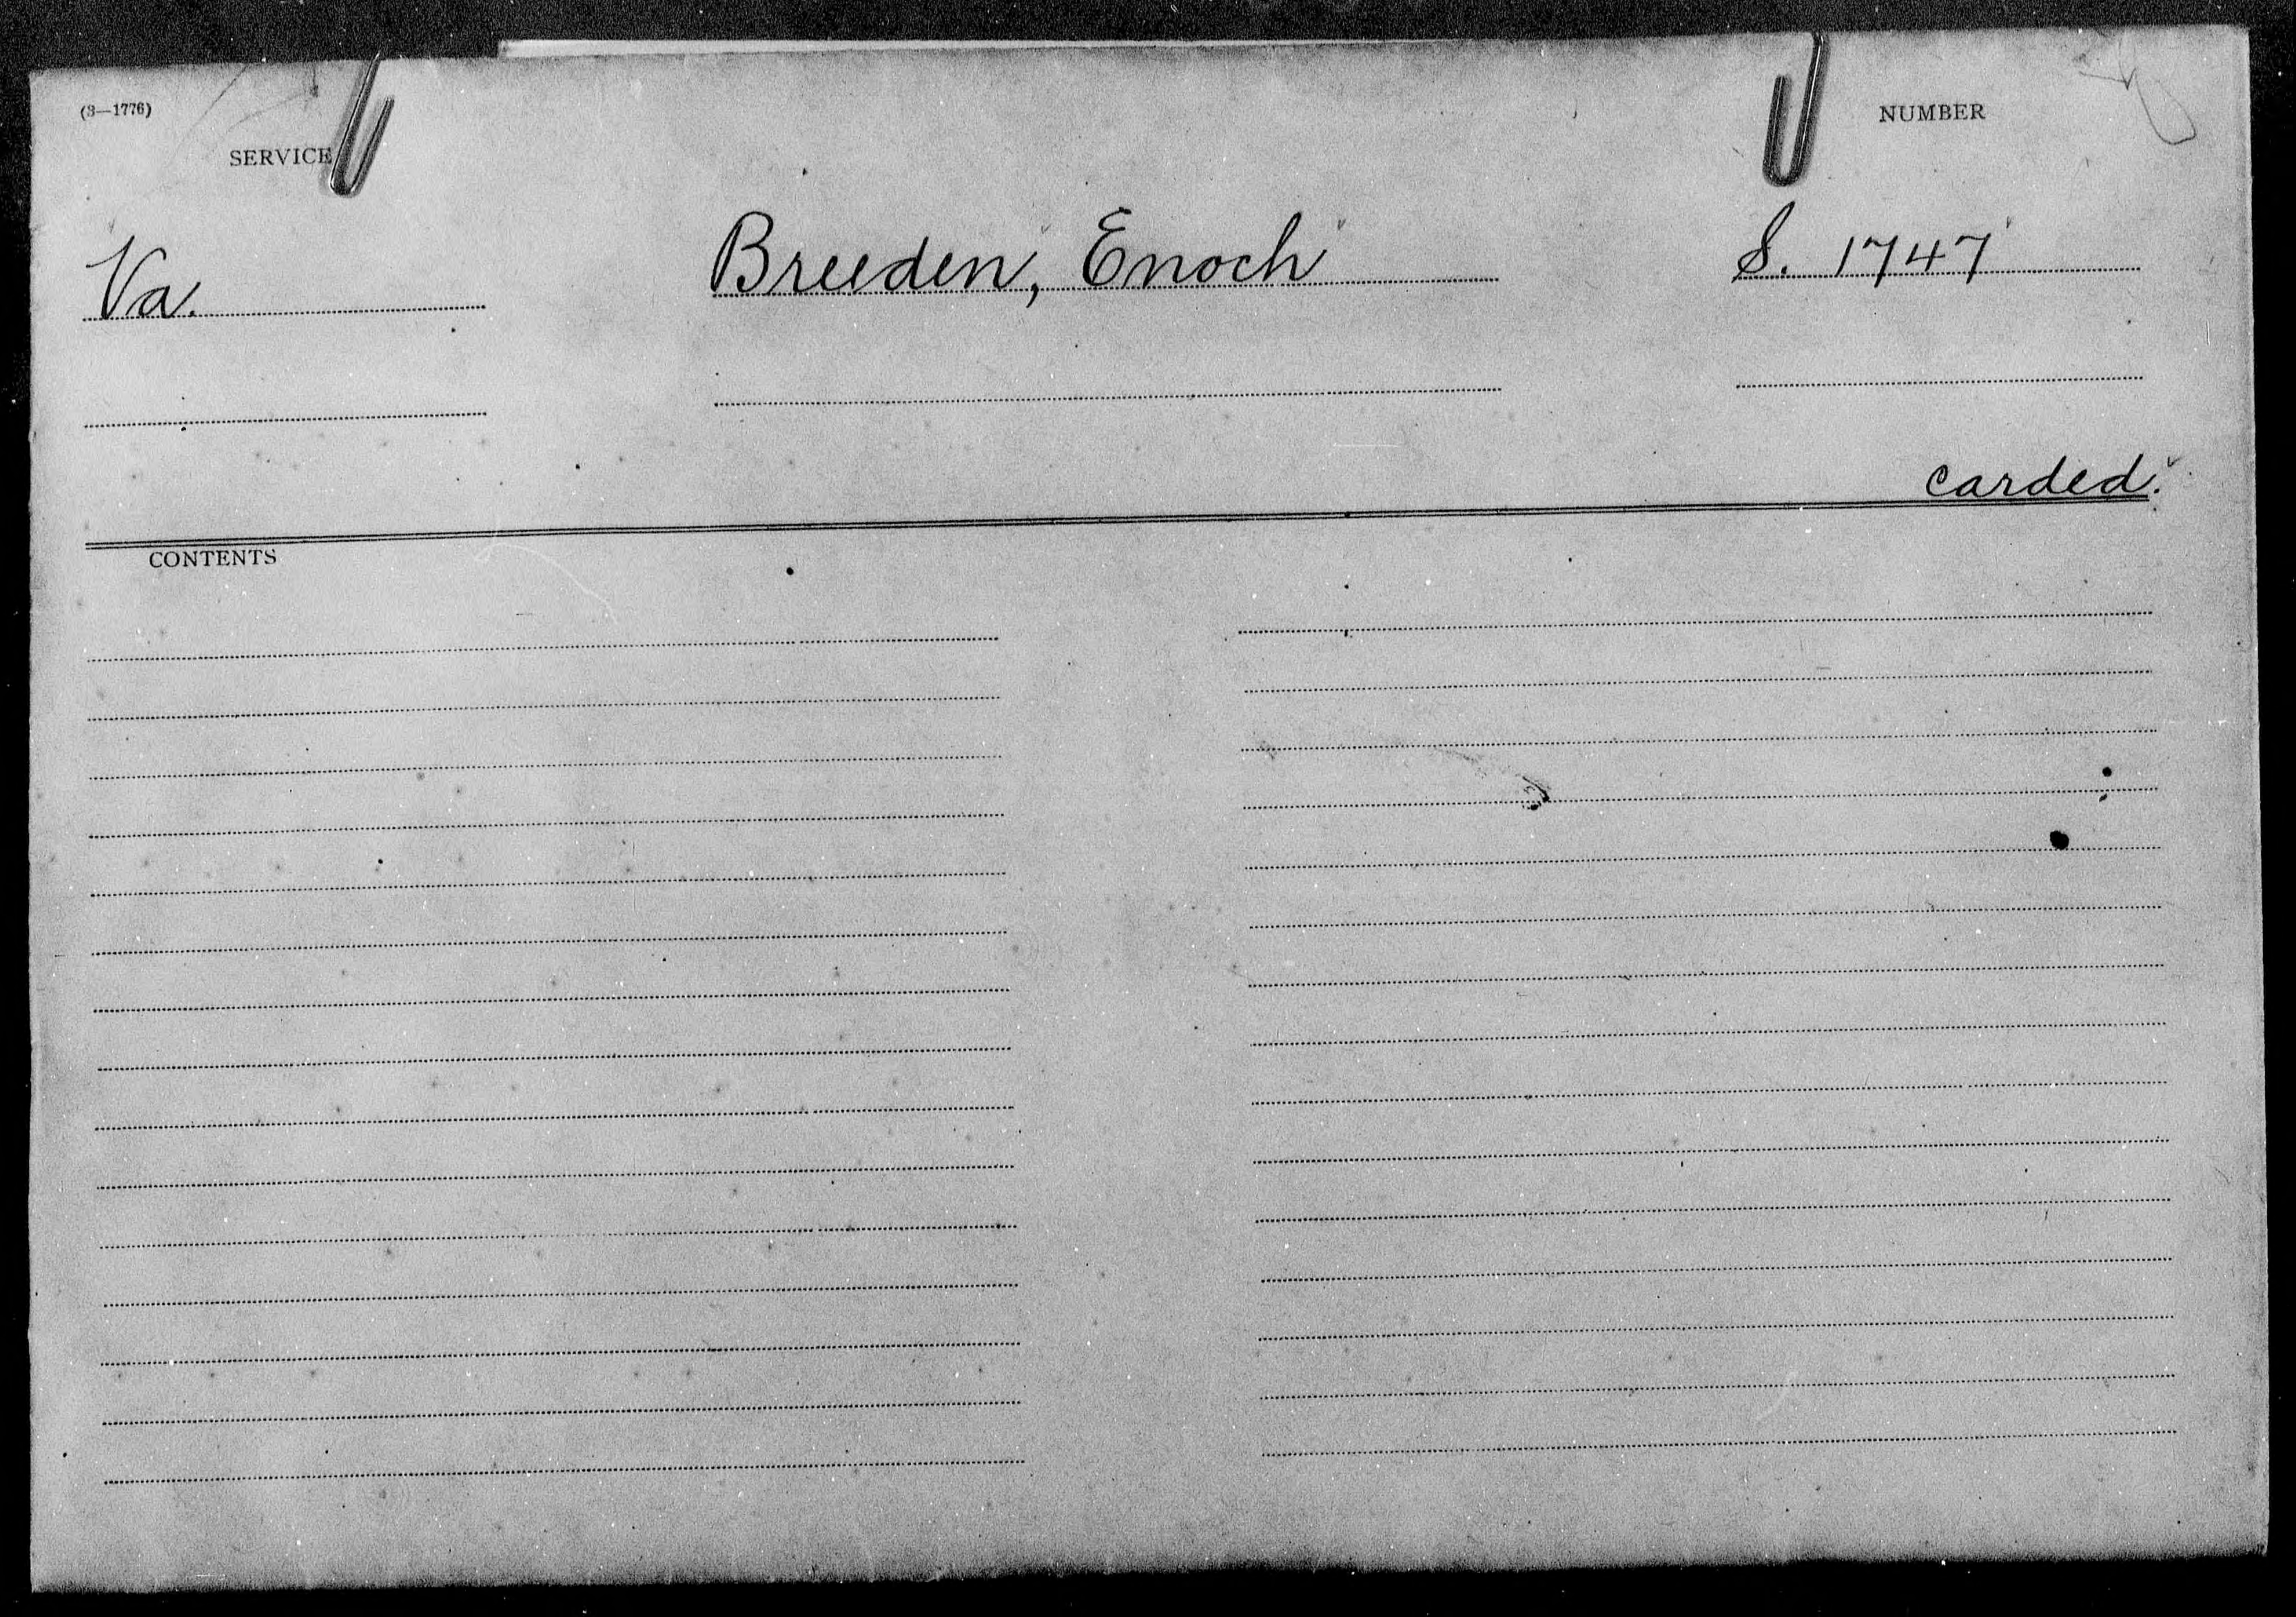Breeden, Enoch
Service: Va. [Virginia]
Number: S. 1747 
Carded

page: 1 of 27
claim: survivor's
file: S. 1747, Enoch Breeden, Va.